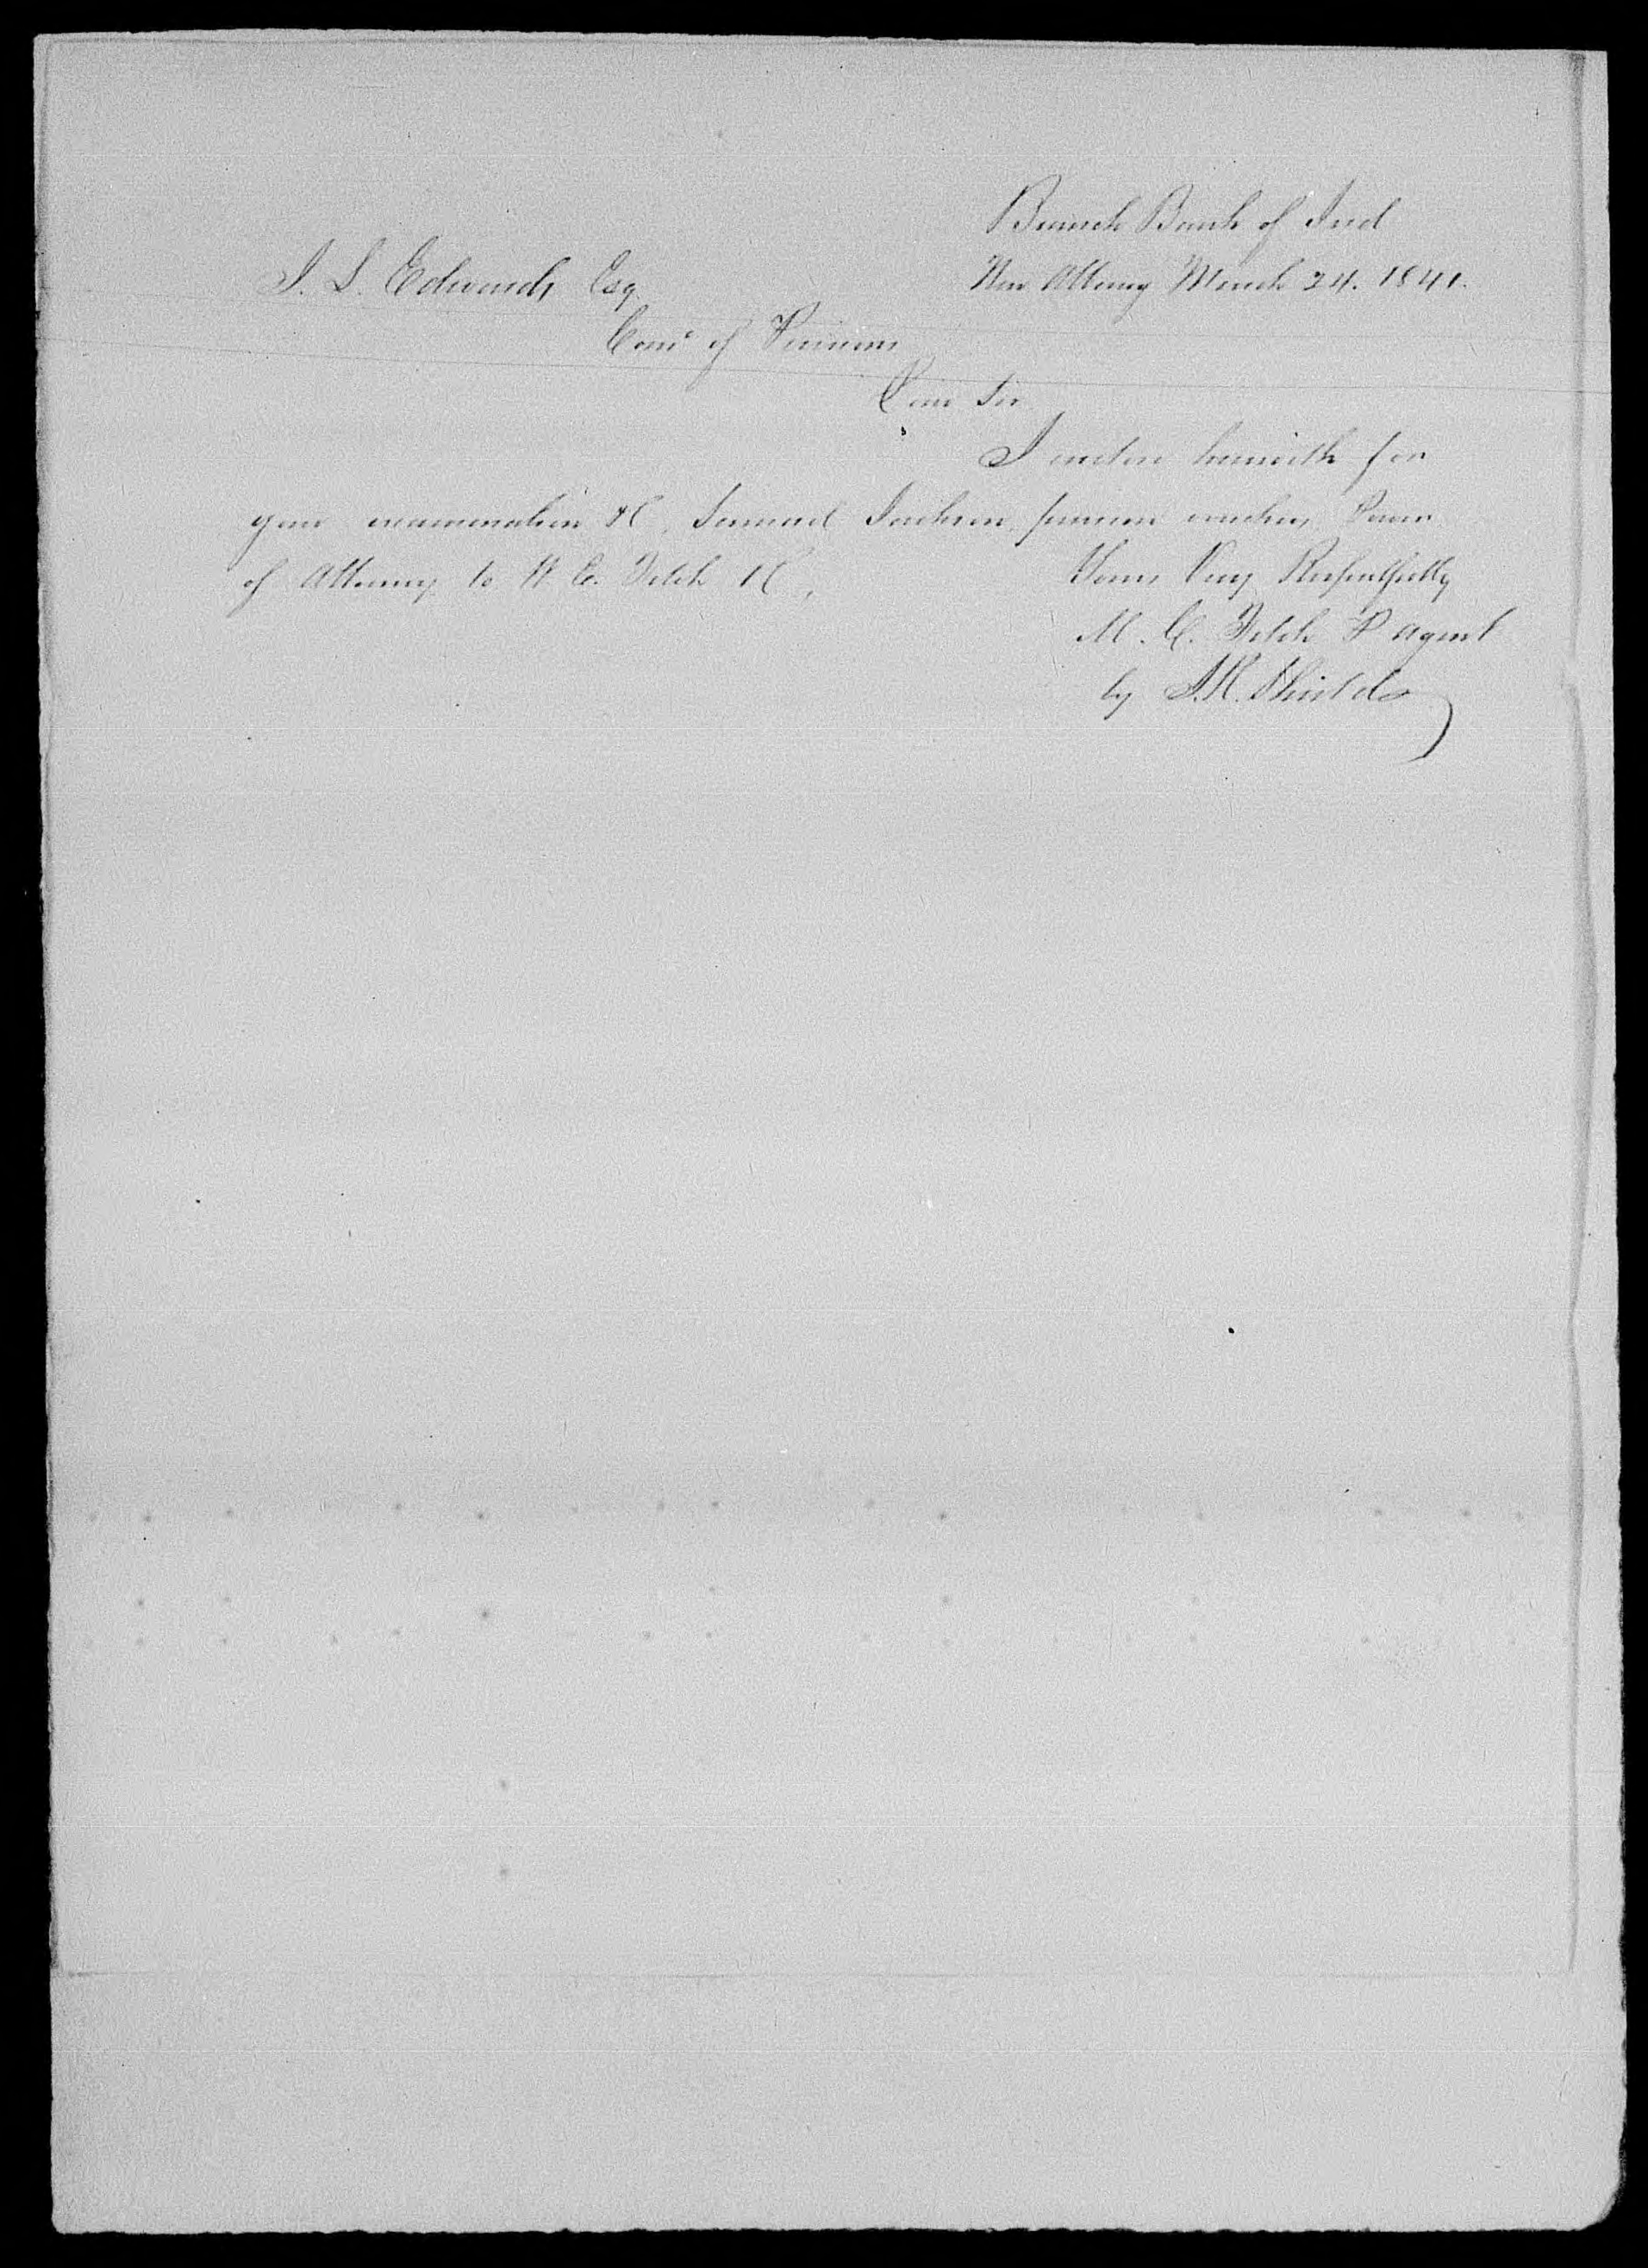Branch Bank of Ind
New Albany March 24. 1841

J. L. Edwards Esq
Com of Pensions
Dear Sir
I [illegible] herewith for
your examination &c Samuel Jackson [illegible] voucher Pension
of Albany to W. E.. Fitch [Illegible]
[Illegible] Very Respetfully
M. C. Fitch P Agent
by J. M. Shields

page: 44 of 56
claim: rejected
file: R 5529, for Samuel Jackson, Virginia